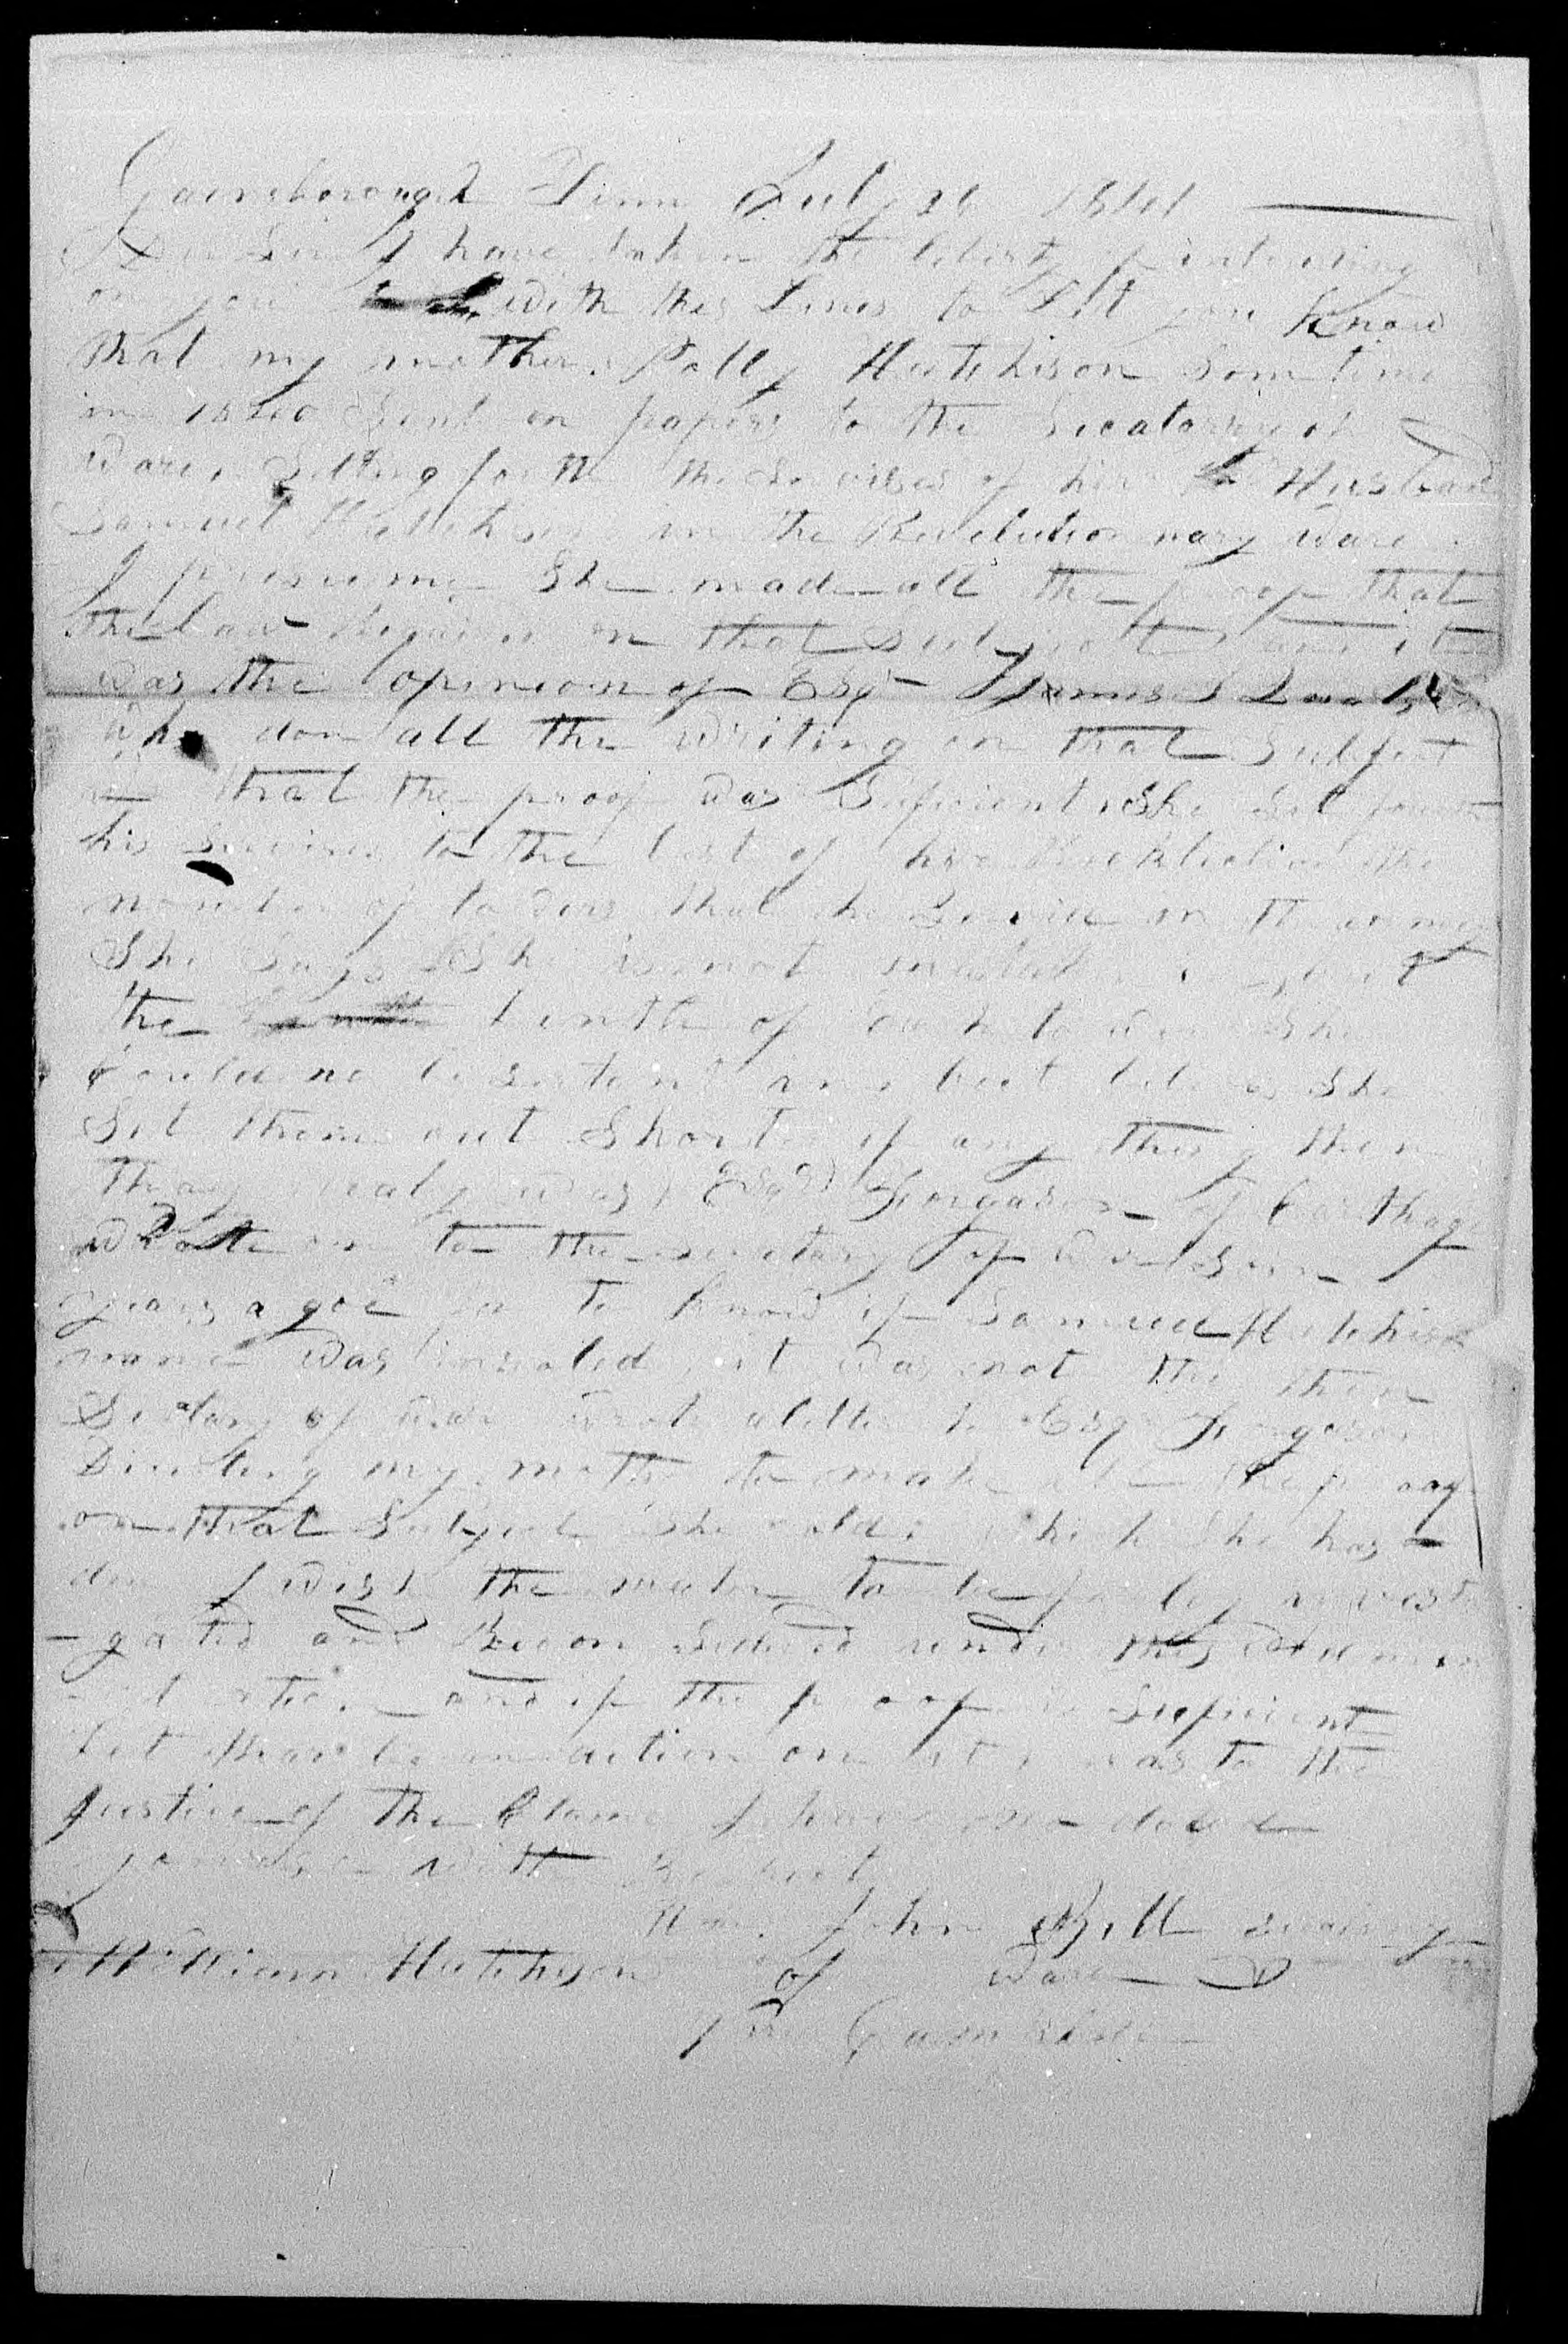Gainsborough Tenn [Tennessee] July [16, 26 or 31] 1841 

Dear Sir, I have taken the liberty of interesting on you [ink smear] with this time to let me know that my mother Polly Hutchison sometime in 1840 sent on papers to the Secretary of War Setting forth the services of her husband Samuel Hutchinson in the Revolutionary ware [war].

I presume she made all the proof that the law requires on that Subject and was the opinion of Esq James P. Quarles who done all the writing on that Subject & that the proof was sufficient.  She set forth his service to the best of her knowledge. She [Illegible] of [Illegible] that he served in the Army.

She says she is not [Illegible several words] the length of [Illegible several words] She could [Illegible several words] sent but believes she sent them out short of any thing then they really was, Esq. Ferguson [Illegible several words] to know if Samuel Hutchinson name was invalid, it was not the then Secretary of War that written to Esq. Ferguson directing my mother to make [Illegible several words] Which she has [Illegible several words]

John Gill Secretary of War
[Illegible name]

William Hutchison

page: 6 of 19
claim: rejected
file: R. 5442, for Samuel Hutchison, Virginia